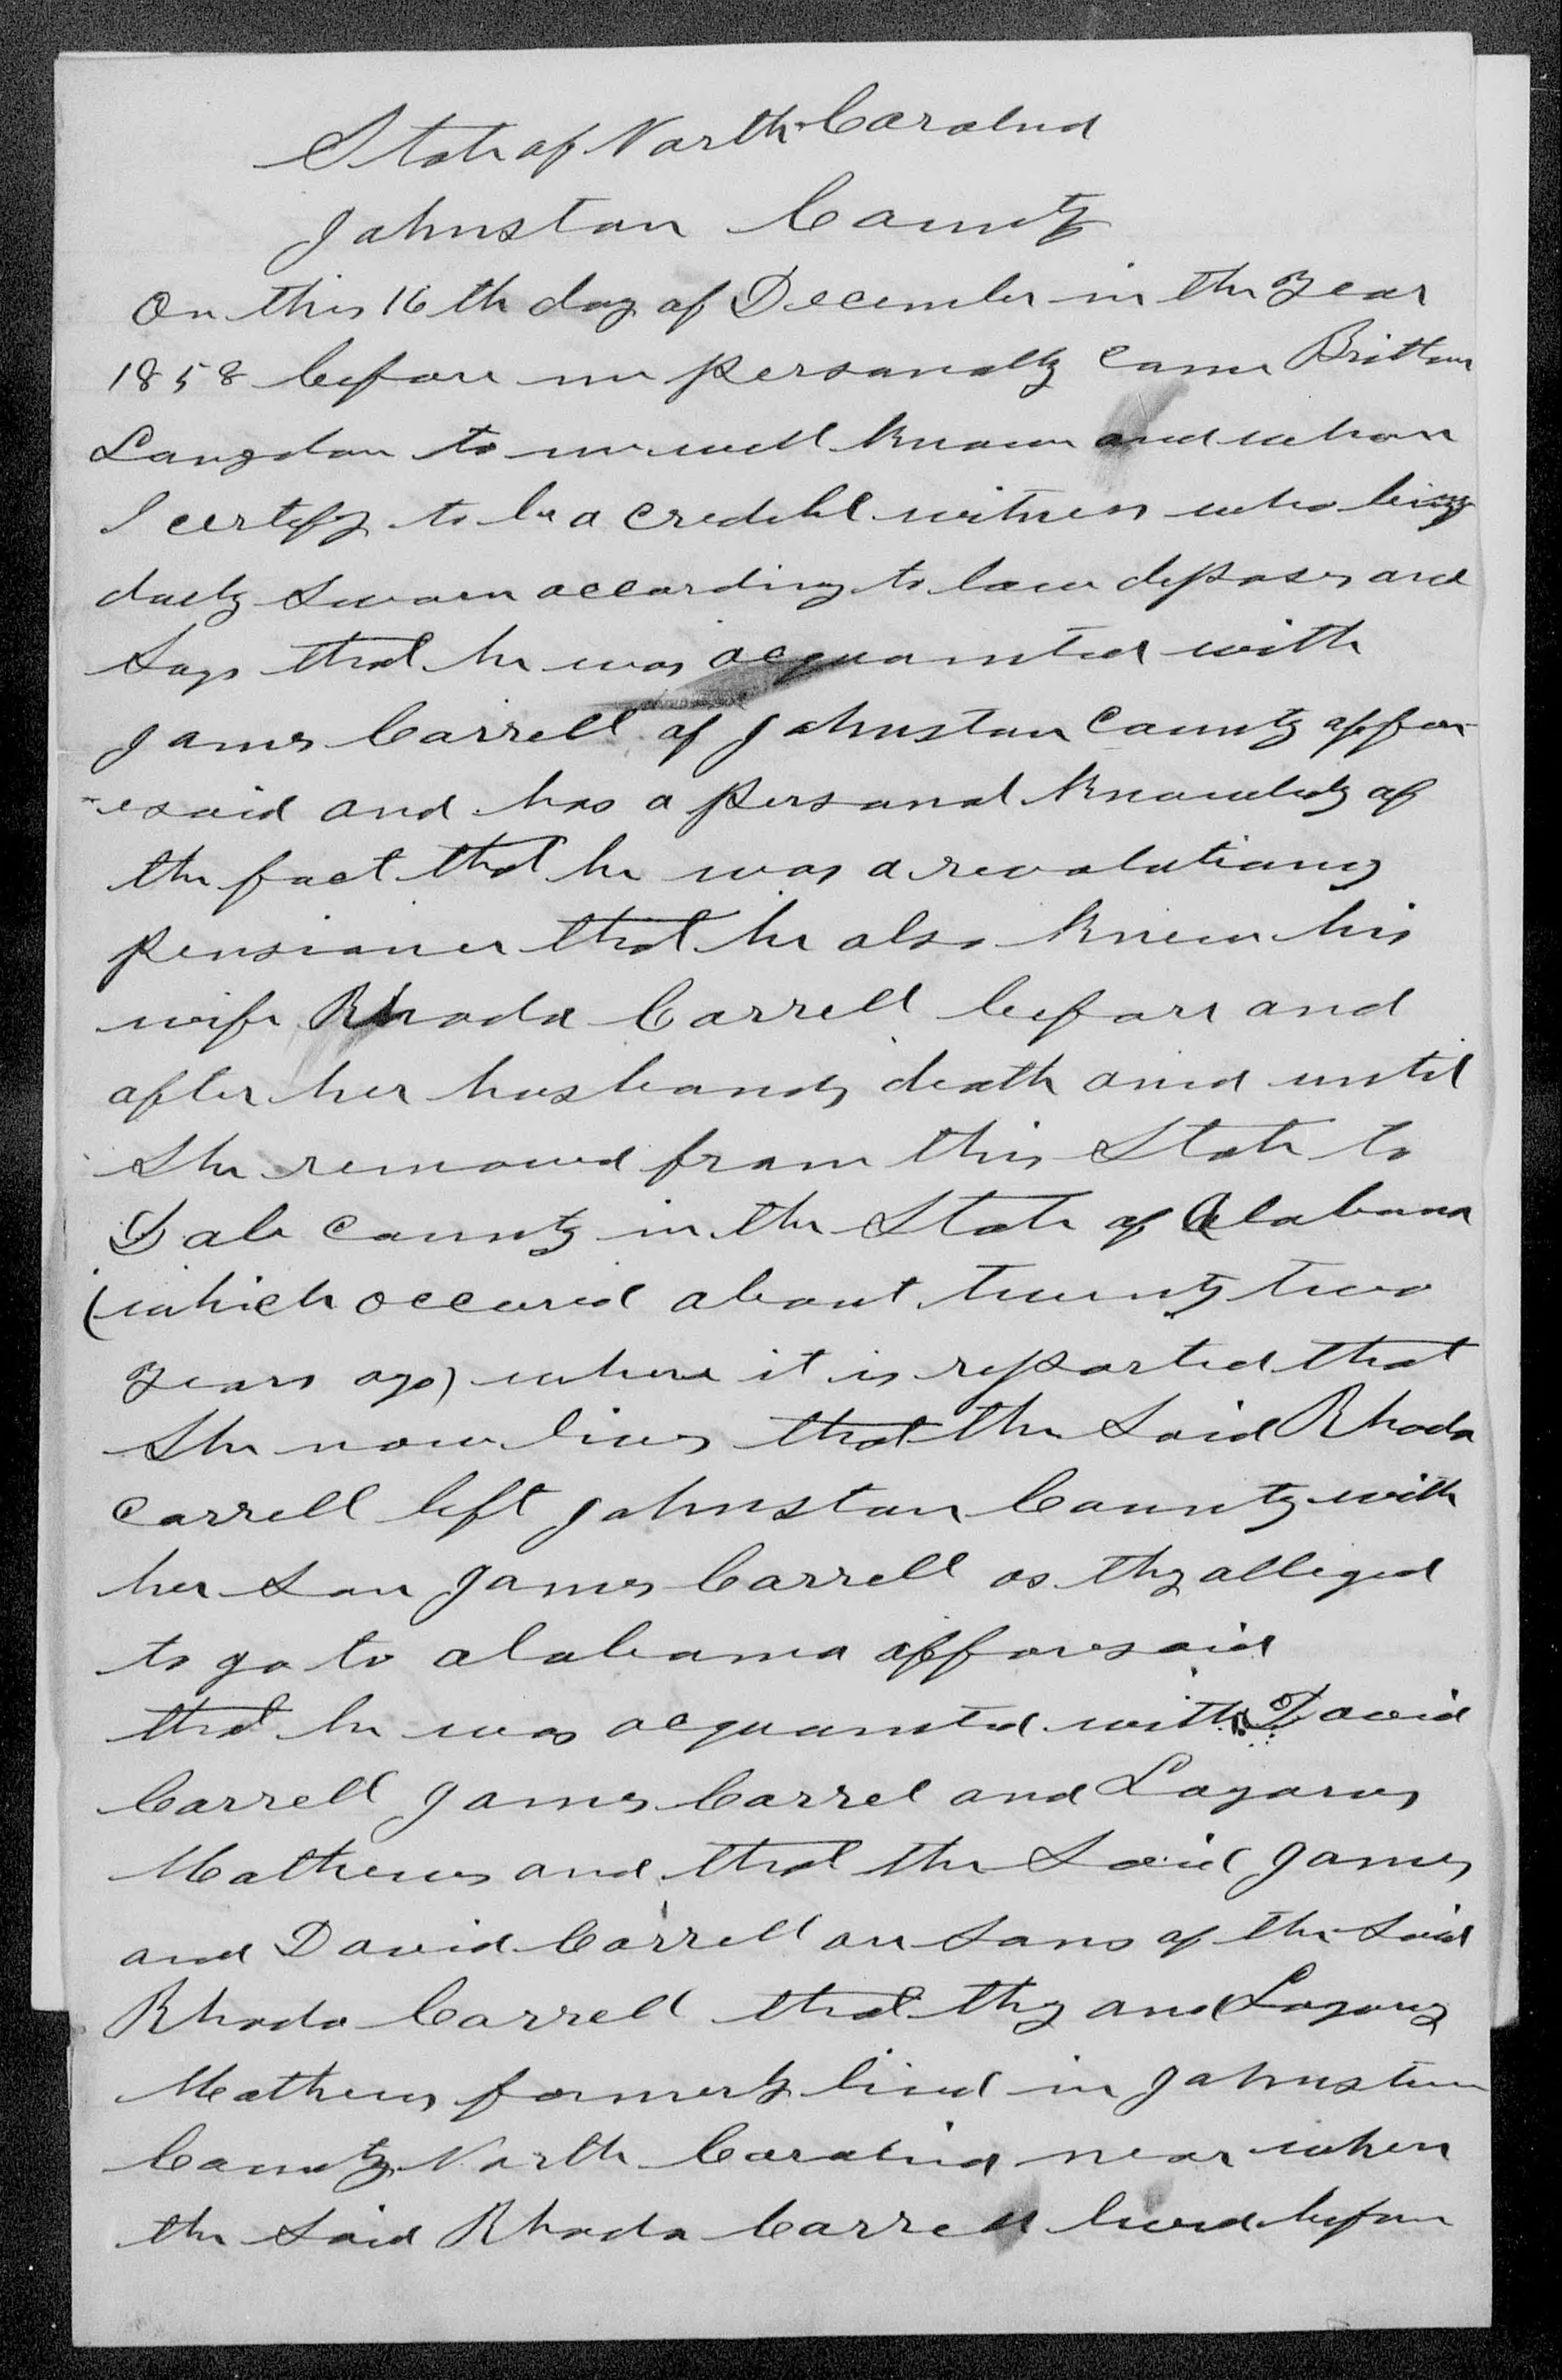State of North Carolina
Johnston County

On this 16th day of December in the year 1858 before me personally came Brittan Langdon to me well known and who I certify to be a credible witness who being duly sworn according to law deposes and says that he was acquainted with James Carrell of Johnston county afforesaid and has a personal knowledge of the fact that he was a revolutionary pensioner that he also knew his wife Rhoda Carrell before and after her husbands death and until she removed from this State to Dale county in the State of Alabama  (which occured about twenty two years ago) where it is reported that she now lives that he said Rhoda Carrell left Johnston County with her son James Carrell as they alleged to go to Alabama Afforesaid 
That he was acquainted with David Carrell James Carrel and Lazarus Mathews and that the said James and David Carrell are sons of the said Rhoda Carrell that they and Lazarus Mathews formerly lived in Johnston county North Carolina near where the said Rhoda Carrell lived before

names: Rhoda Carrell, Lazarus Mathews, Lazarus Mathews, James Carrell, Rhoda Carrell, David Carrell, Rhoda Carrell, James Carrell, Rhoda Carrell, James Carrell, David Carrell, James Carrel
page: 52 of 86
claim: widow's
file: W. 6899, James Carrell, N.C.